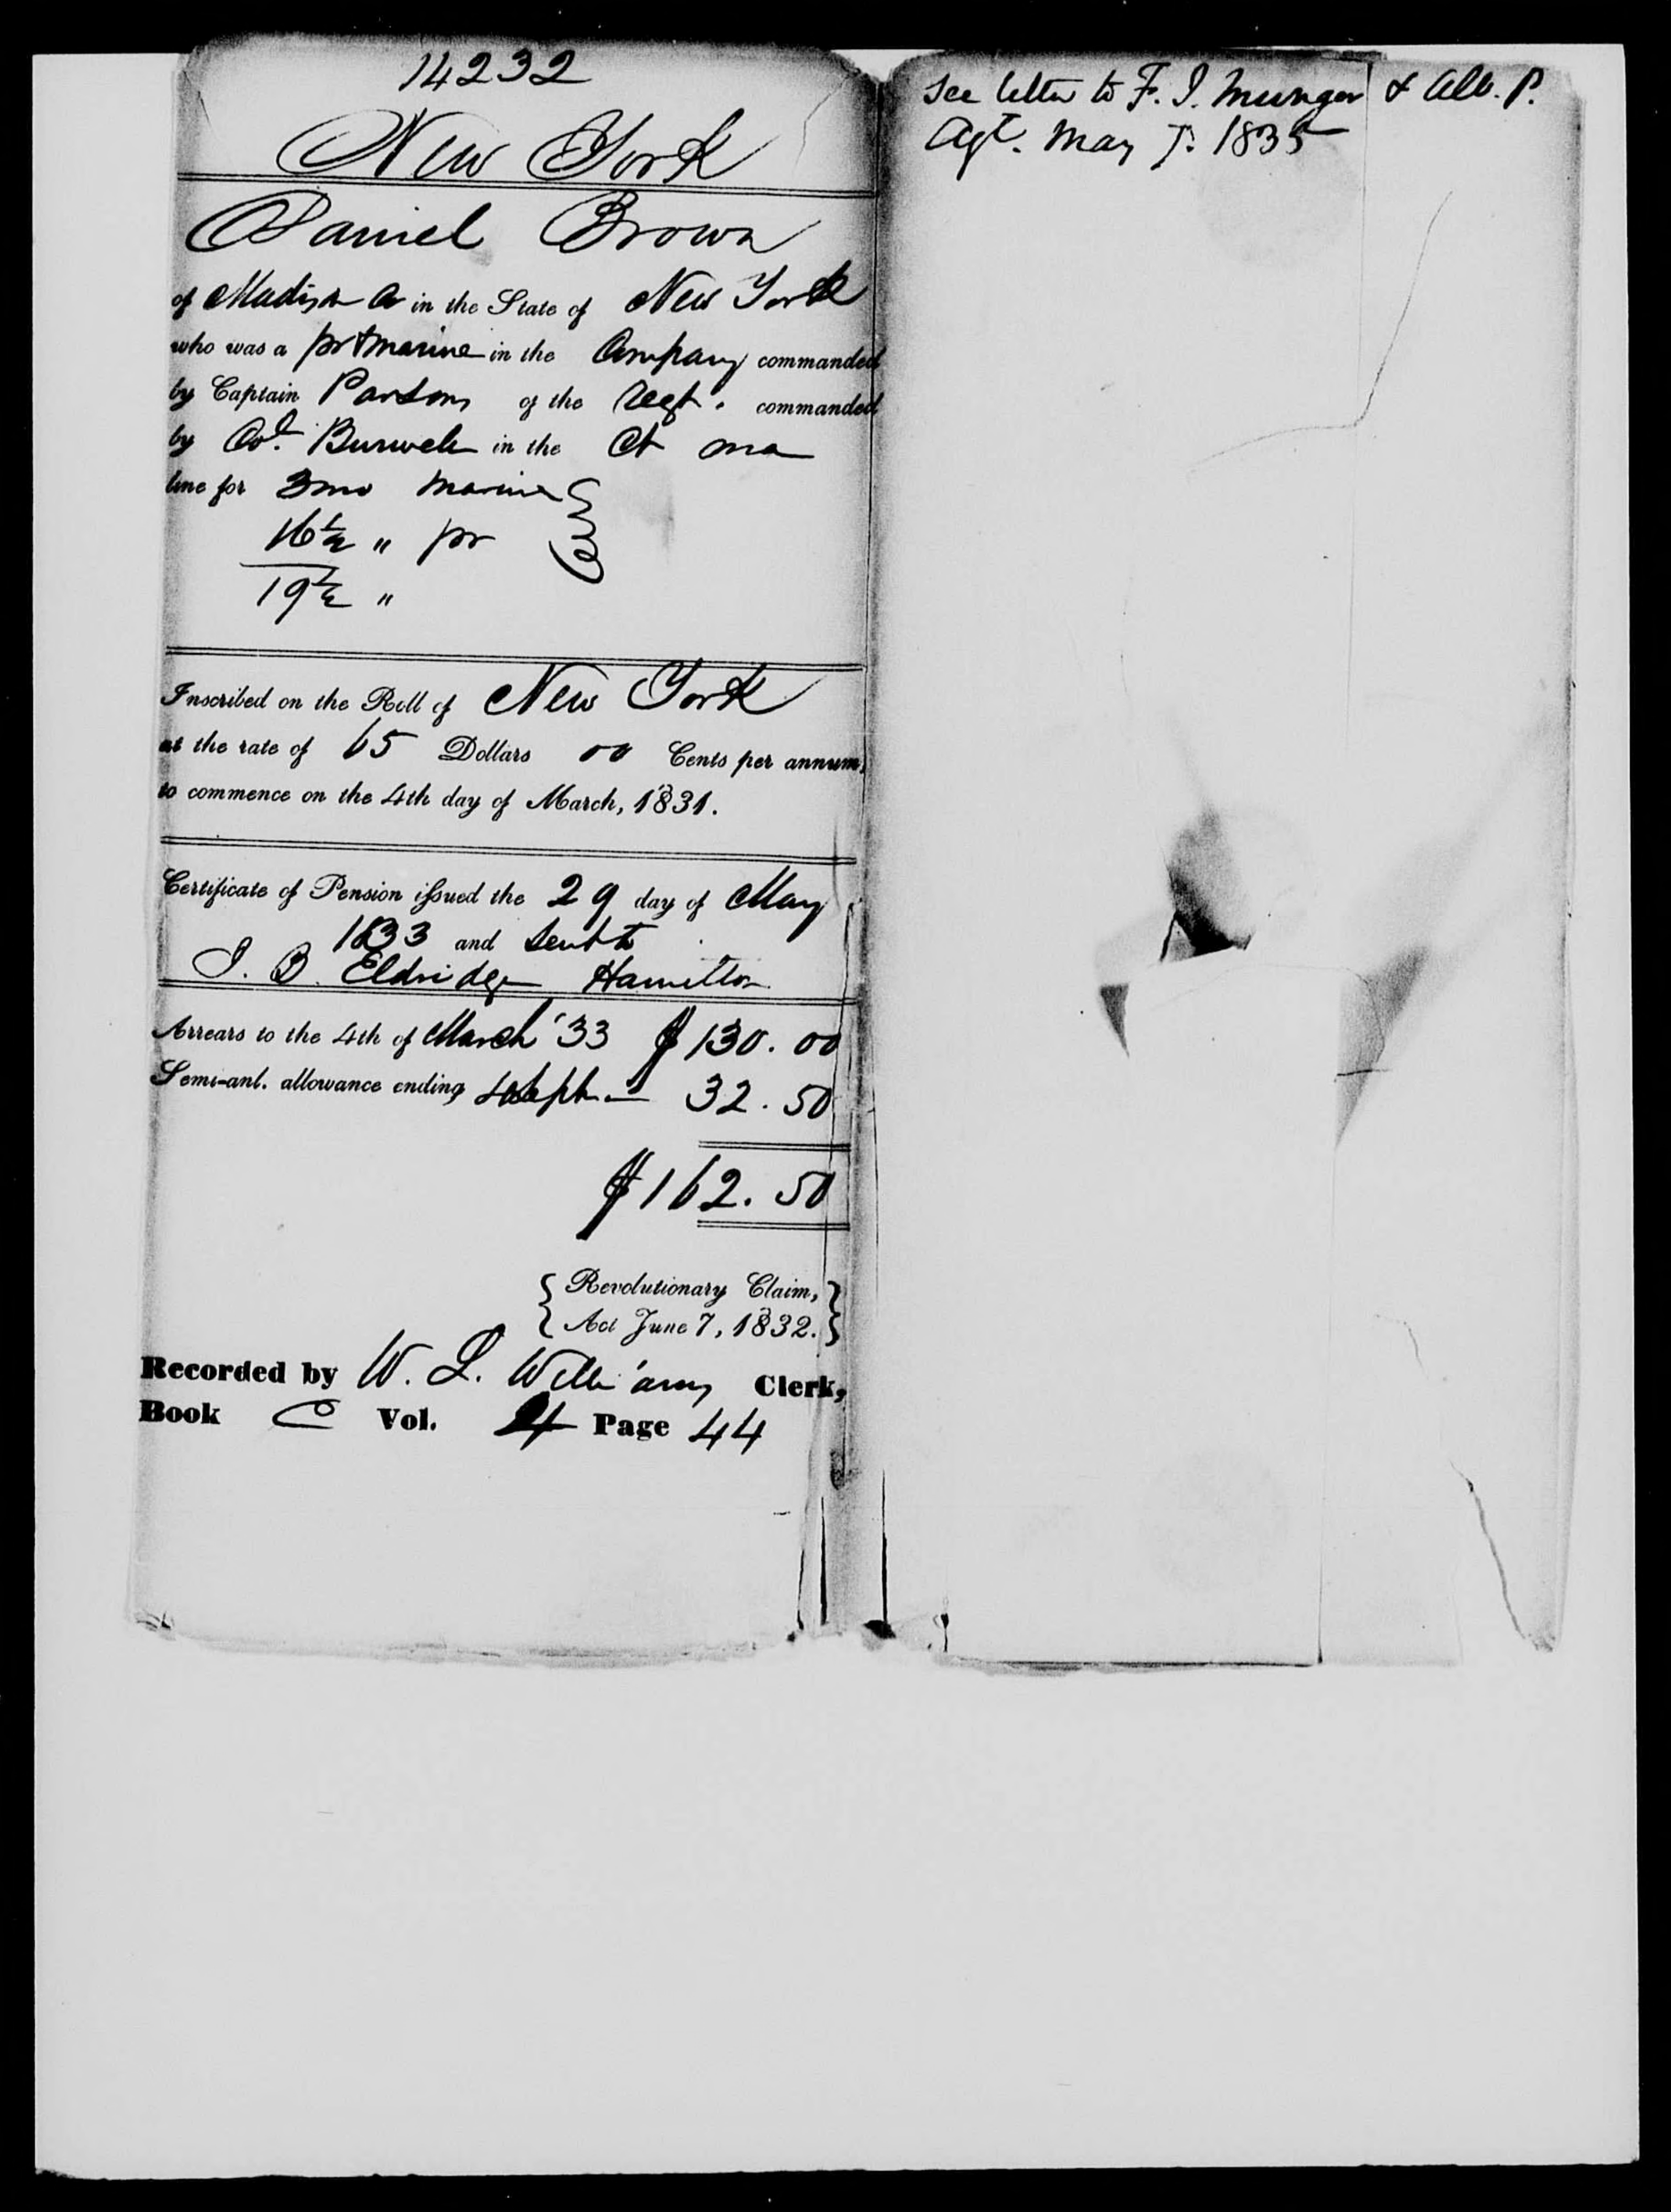[LEFT PAGE]

                        14232
                     New York
                   Daniel Brown

of Madison Co in the State of New York who was a Pvt marine in the Company commanded by Captain Parsons of the Regt. commanded by Col. Burweck in the Ct ana(?)  
line for     3              mo      marine 
               16 1/2         "         pr
              _______
               19 1/2         "  

-----------------------

Inscribed on the Roll of New York at the rate of 65 Dollars 00 Cents per annum, to commence on the 4th day of March, 1831.

-----------------------

Certificate of Pension issued the 29 day of May 1833 and Sent to
J. B. Eldridge   Hamilton

-----------------------

Arrears to the 4th of March '33            $130.00
Semi-anl. allowance ending 4 Sept.         32.50
                                                              _______                                                    
                                                              
                                                            $162.50

                                           {Revolutionary Claim,
                                           {Act June 7, 1832

Recorded by W. L. Williams Clerk
Book C Vol. 4 Page 44


[RIGHT PAGE]


See letter to F. I. Munger & Alb. P.  
Agt. May 7. 1835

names: F J Munger, Daniel Brown, Parsons, Burwch, J B Eldridge, W L Williams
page: 2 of 37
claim: widow's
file: W. 20,787, Daniel Brown, Conn. Navy.